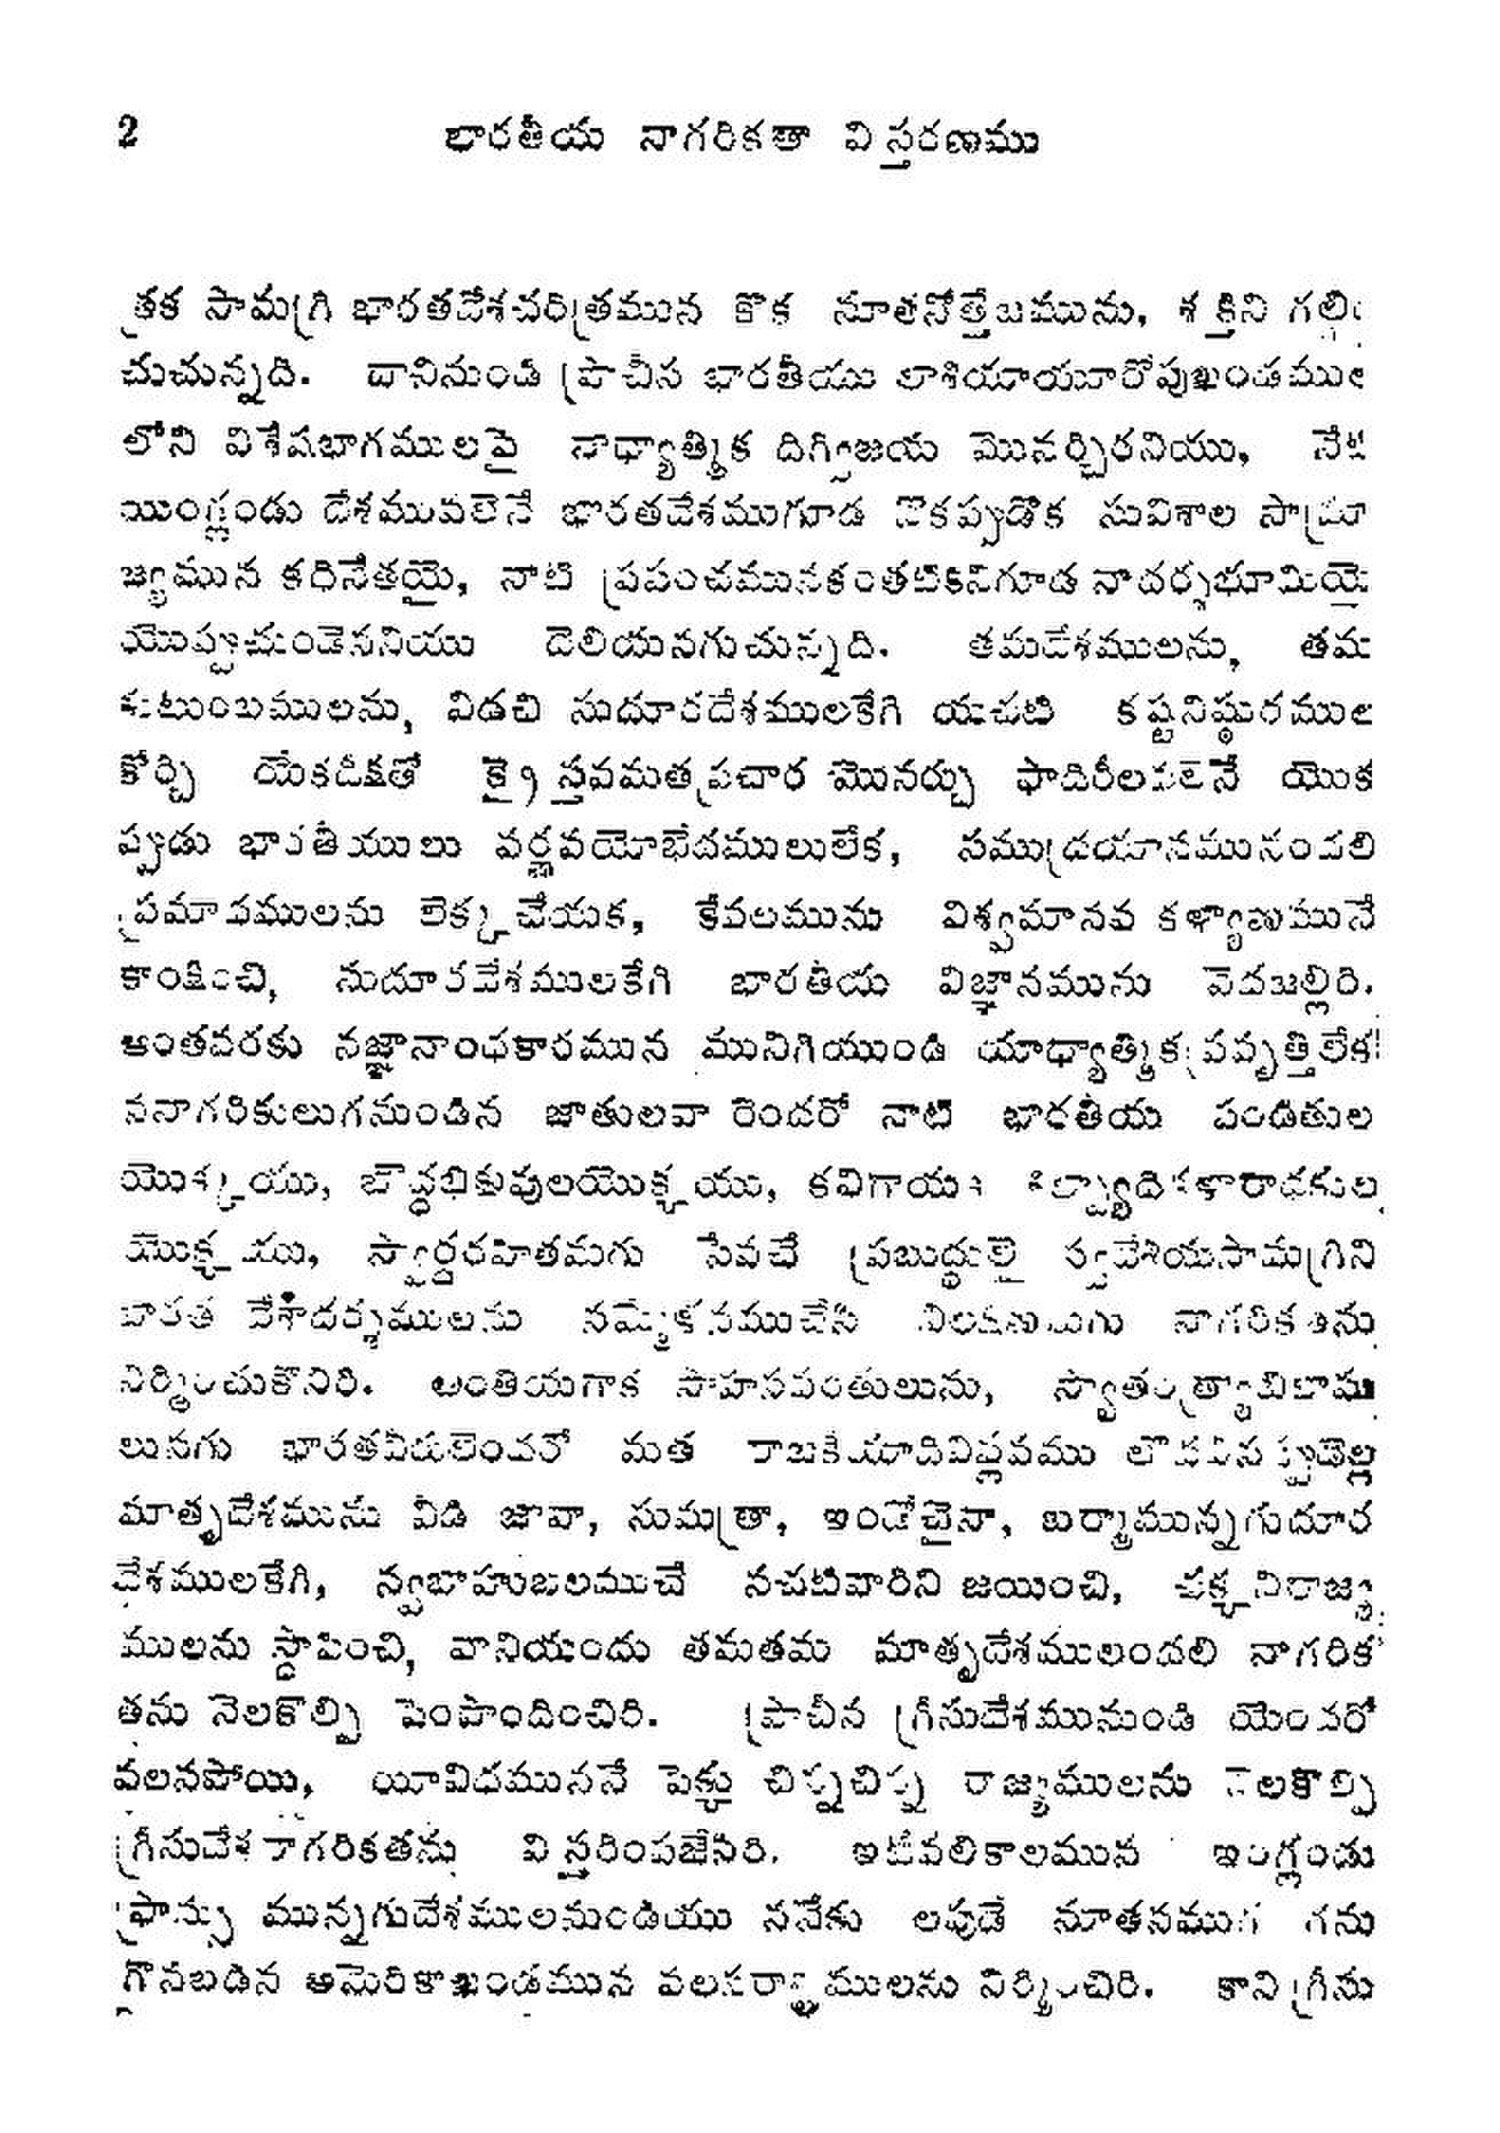త్రక సామగ్రి భారతదేశచరిత్రమున కొక నూతనోత్తేజమును, శక్తిని గల్గించుచున్నది. దానినుండి ప్రాచీన భారతీయు లాశియా యూరోపు ఖండముల లోని విశేష భాగములపై నాధ్యాత్మిక దిగ్విజయ మొనర్చిరనియు, నేటి యింగ్లండు దేశమువలెనే భారతదేశము గూడ నొకప్పుడొక సువిశాల సామ్రాజ్యమున కధినేతయై, నాటి ప్రపంచమున కంతటికిని గూడ నాదర్శ భూమియై యొప్పుచుండె ననియు దెలియనగు చున్నది. తమదేశములను, తమ కుటుంబములను, విడిచి సుదూరదేశములకేగి యచటి కష్టనిష్టురముల కోర్చి యేకదీక్షతో క్రైస్తవమతప్రచార మొనర్చు పాదిరీలవలెనే యొకప్పుడు భారతీయులు వర్ణ వయో భేదములు లేక, సముద్రయానము నందలి ప్రమాదములను లెక్కచేయక, కేవలమును విశ్వమానవ కళ్యాణమునే కాంక్షించి, సుదూర దేశములకేగి భారతీయ విజ్ఞానమును వెదజల్లిరి. అంతవరకు నజ్ఞానాంధకారమున మునిగి యుండి యాథ్యాత్మిక ప్రవృత్తిలేక ననాగరికులుగ నుండిన జాతులవా రెందరో నాటి భారతీయ పండితుల యొక్కయు, బౌద్ధభిక్షువుల యొక్కయు, కవిగాయక శిల్ప్యాధికళారాధకుల యొక్కయు, స్వార్దరహితమగు సేవచే ప్రబుద్దులై స్వదేశీయసామగ్రిని భారత దేశాదర్శములను సమ్మేళనముచేసి విలక్షణమగు నాగరికతను నిర్మించుకొనిరి. అంతియగాక సాహస వంతులును, స్వాతంత్ర్యాభిలాషులునగు భారతవీరులెందరో మత రాజకీయాదివిప్లవము లొదవినప్పుడెల్ల మాతృదేశమును వీడి జావా, సుమత్రా, ఇండోచైనా, బర్మామున్నగుదూర దేశములకేగి, స్వభాహుబలముచే నచటివారిని జయించి, చక్కనిరాజ్యములను స్థాపించి, వానియందు తమతమ మాతృదేశములందలి నాగరికతను నెలకొల్పి పెంపొందించిరి. ప్రాచీన గ్రీసుదేశమునుండి యెందరో వలసపోయి, యీవిధముననే పెక్కు చిన్నచిన్న రాజ్యములను నెలకొల్పి గ్రీసుదేశనాగరికతను విస్తరింపజేసిరి. ఇటీవలికాలమున ఇంగ్లండు, ఫ్రాన్సు మున్నగుదేశములనుండియు ననేకు లపుడే నూతనముగ గనుగొనబడిన అమెరికా ఖండమున వలసరాష్ట్రములను నిర్మించిరి. కాని గ్రీసు